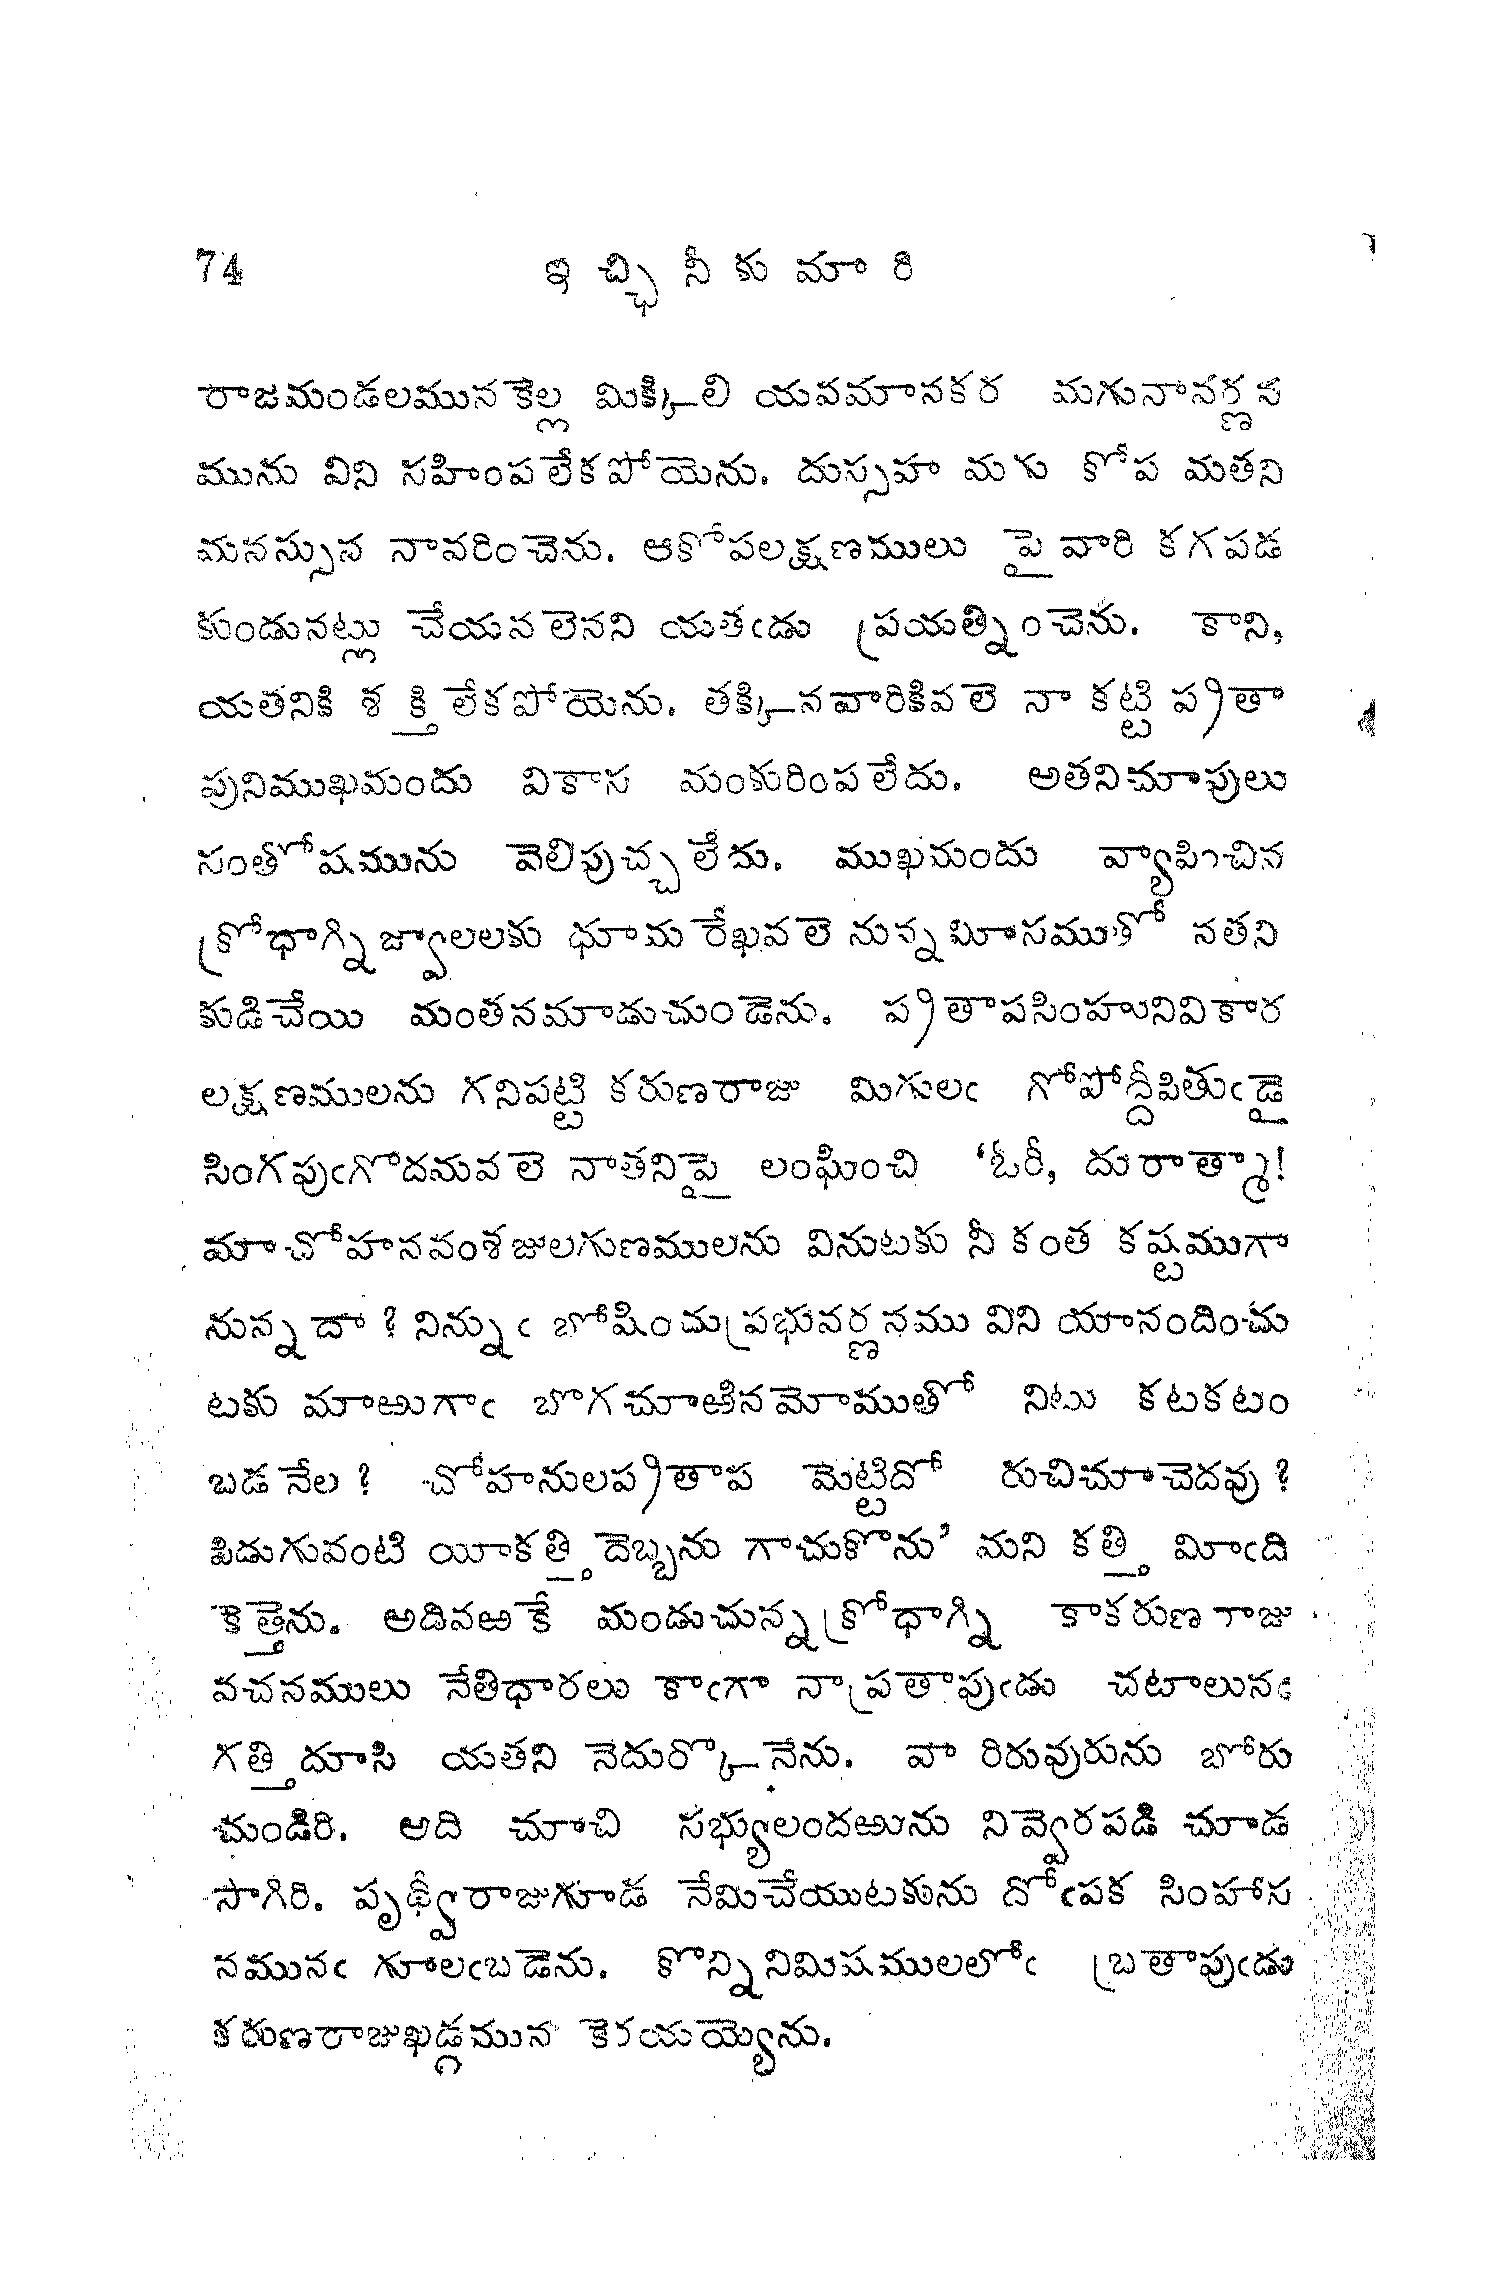రాజమండలమున కెల్ల మిక్కిలి యవమానకర మగునా వర్ణన మును విని సహింప లేక పోయెను. దుస్సహ మగు కోప మతని మనస్సున నావరించెను. ఆకోపలక్షణములు పై వారి కగపడ కుండునట్లు చేయన లెనని యతఁడు ప్రయత్నించెను. కాని, యతనికి శక్తి లేకపోయెను. తక్కిన వారికివలె నా కట్టి ప్రతా పనిముఖమందు వికాస మంకురింప లేదు. అతని చూపులు సంతోషమును వెలి పుచ్చ లేదు. ముఖమందు వ్యాపించిన క్రోధాగ్ని జ్వాలలకు ధూమ రేఖవ లె నున్న మీసముతో నతని కుడి చేయి మంతనమాడుచుండెను. ప్రతాపసింహుని వికార లక్షణములను గనిపట్టి కరుణ రాజు మిగులం గోపోద్దీపితుఁడై సింగ పుఁగోదమవ లె నాతని పై లంఘించి 'ఓరీ, దురాత్మా! మాచోహన వంశజులగుణములను వినుటకు నీ కంత కష్టముగా నున్నదా ? నిన్నుఁ బోషించు ప్రభువర్ణనము విని యానందించు టకు మాఱుగాఁ బొగచూరిన మోముతో నిటు కటకటం బడ నేల ? చోహనులప్రతాప మెట్టిదో రుచిచూచెదవు ? పిడుగువంటి యీకత్తి దెబ్బను గాచుకొను' మని కత్తి మీఁది "కెత్తెను. అడివఱుకే మండుచున్న క్రోధాగ్ని కాకరుణ రాజు వచనములు నేతిధారలు కాగా నాప్రతాపుడు చటాలునః గత్తి దూసి యతని నెదుర్కొ నెను. వా రిరువురును బోరు చుండిరి. అది చూచి సభ్యులందరును నివ్వెర పడి చూడ సాగిరి. పృథ్వీరాజు గూడ నేమి చేయుటకును దోఁపక సింహాస నమునఁ గూలఁబడెను. కొన్ని నిమిషములలోఁ బ్రతాపుఁడు కరుణ రాజుఖడ్గమున కెర యయ్యెను.